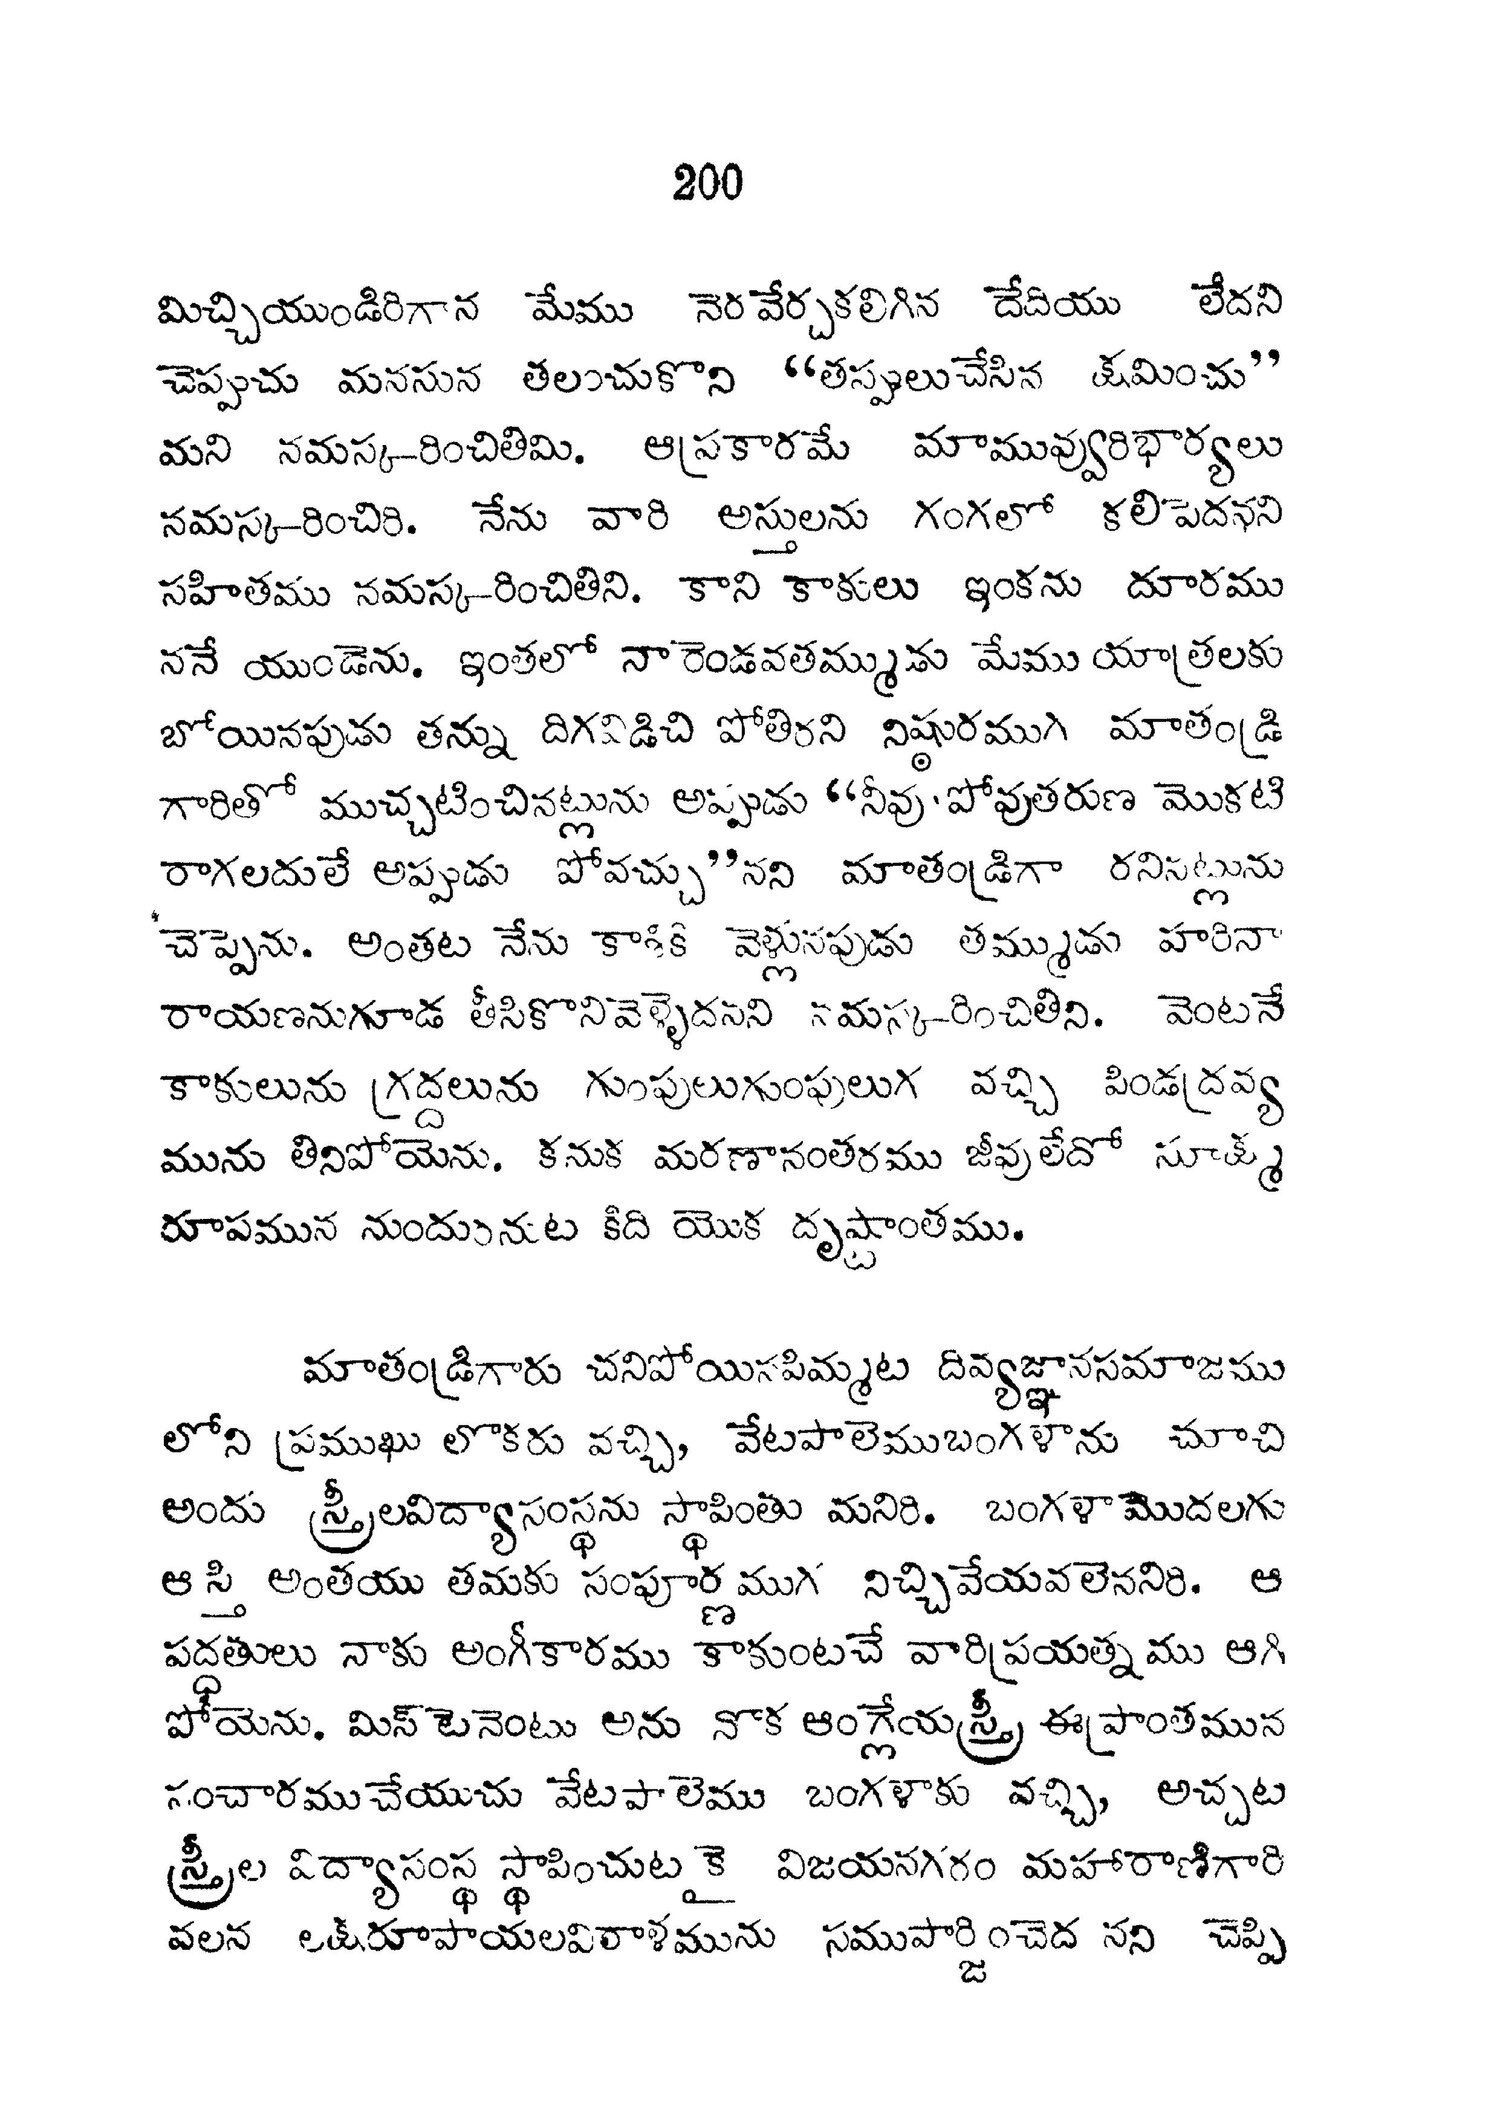మిచ్చియుండిరిగాన మేము నెరవేర్చకలిగిన దేదియు లేదని చెప్పుచు మనసున తలంచుకొని "తప్పులుచేసిన క్షమించు" మని నమస్కరించితిమి. ఆప్రకారమే మామువ్వురిభార్యలు నమస్కరించిరి. నేను వారి అస్తులను గంగలో కలిపెదనని సహితము నమస్కరించితిని. కాని కాకులు ఇంకను దూరముననే యుండెను. ఇంతలో నారెండవతమ్ముడు మేము యాత్రలకు బోయినపుడు తన్ను దిగవిడిచి పోతిరని నిష్ఠురముగ మాతండ్రిగారితో ముచ్చటించినట్లును అప్పుడు "నీవు పోవుతరుణ మొకటి రాగలదులే అప్పుడు పోవచ్చు" నని మాతండ్రిగా రనినట్లును చెప్పెను. అంతట నేను కాశికి వెళ్లునపుడు తమ్ముడు హరినారాయణనుగూడ తీసికొనివెళ్ళెదనని నమస్కరించితిని. వెంటనే కాకులును గ్రద్దలును గుంపులుగుంపులుగ వచ్చి పిండద్రవ్యమును తినిపోయెను. కనుక మరణానంతరము జీవులేదో సూక్ష్మరూపమున నుందురనుట కిది యొక దృష్టాంతము.

మాతండ్రిగారు చనిపోయినపిమ్మట దివ్యజ్ఞానసమాజములోని ప్రముఖు లొకరు వచ్చి వేటపాలెముబంగళాను చూచి అందు స్త్రీలవిద్యాసంస్థను స్థాపింతు మనిరి. బంగళా మొదలగు ఆస్తి అంతయు తమకు సంపూర్ణముగ నిచ్చివేయవలెననిరి. ఆ పద్ధతులు నాకు అంగీకారము కాకుంటచే వారిప్రయత్నము ఆగిపోయెను. మిస్‌టెనెంటు అను నొక ఆంగ్లేయస్త్రీ ఈప్రాంతమున సంచారముచేయుచు వేటపాలెము బంగళాకు వచ్చి, అచ్చట స్త్రీల విద్యాసంస్థ స్థాపించుటకై విజయనగరం మహారాణిగారి వలన లక్షరూపాయలవిరాళమును సముపార్జించెద నని చెప్పి